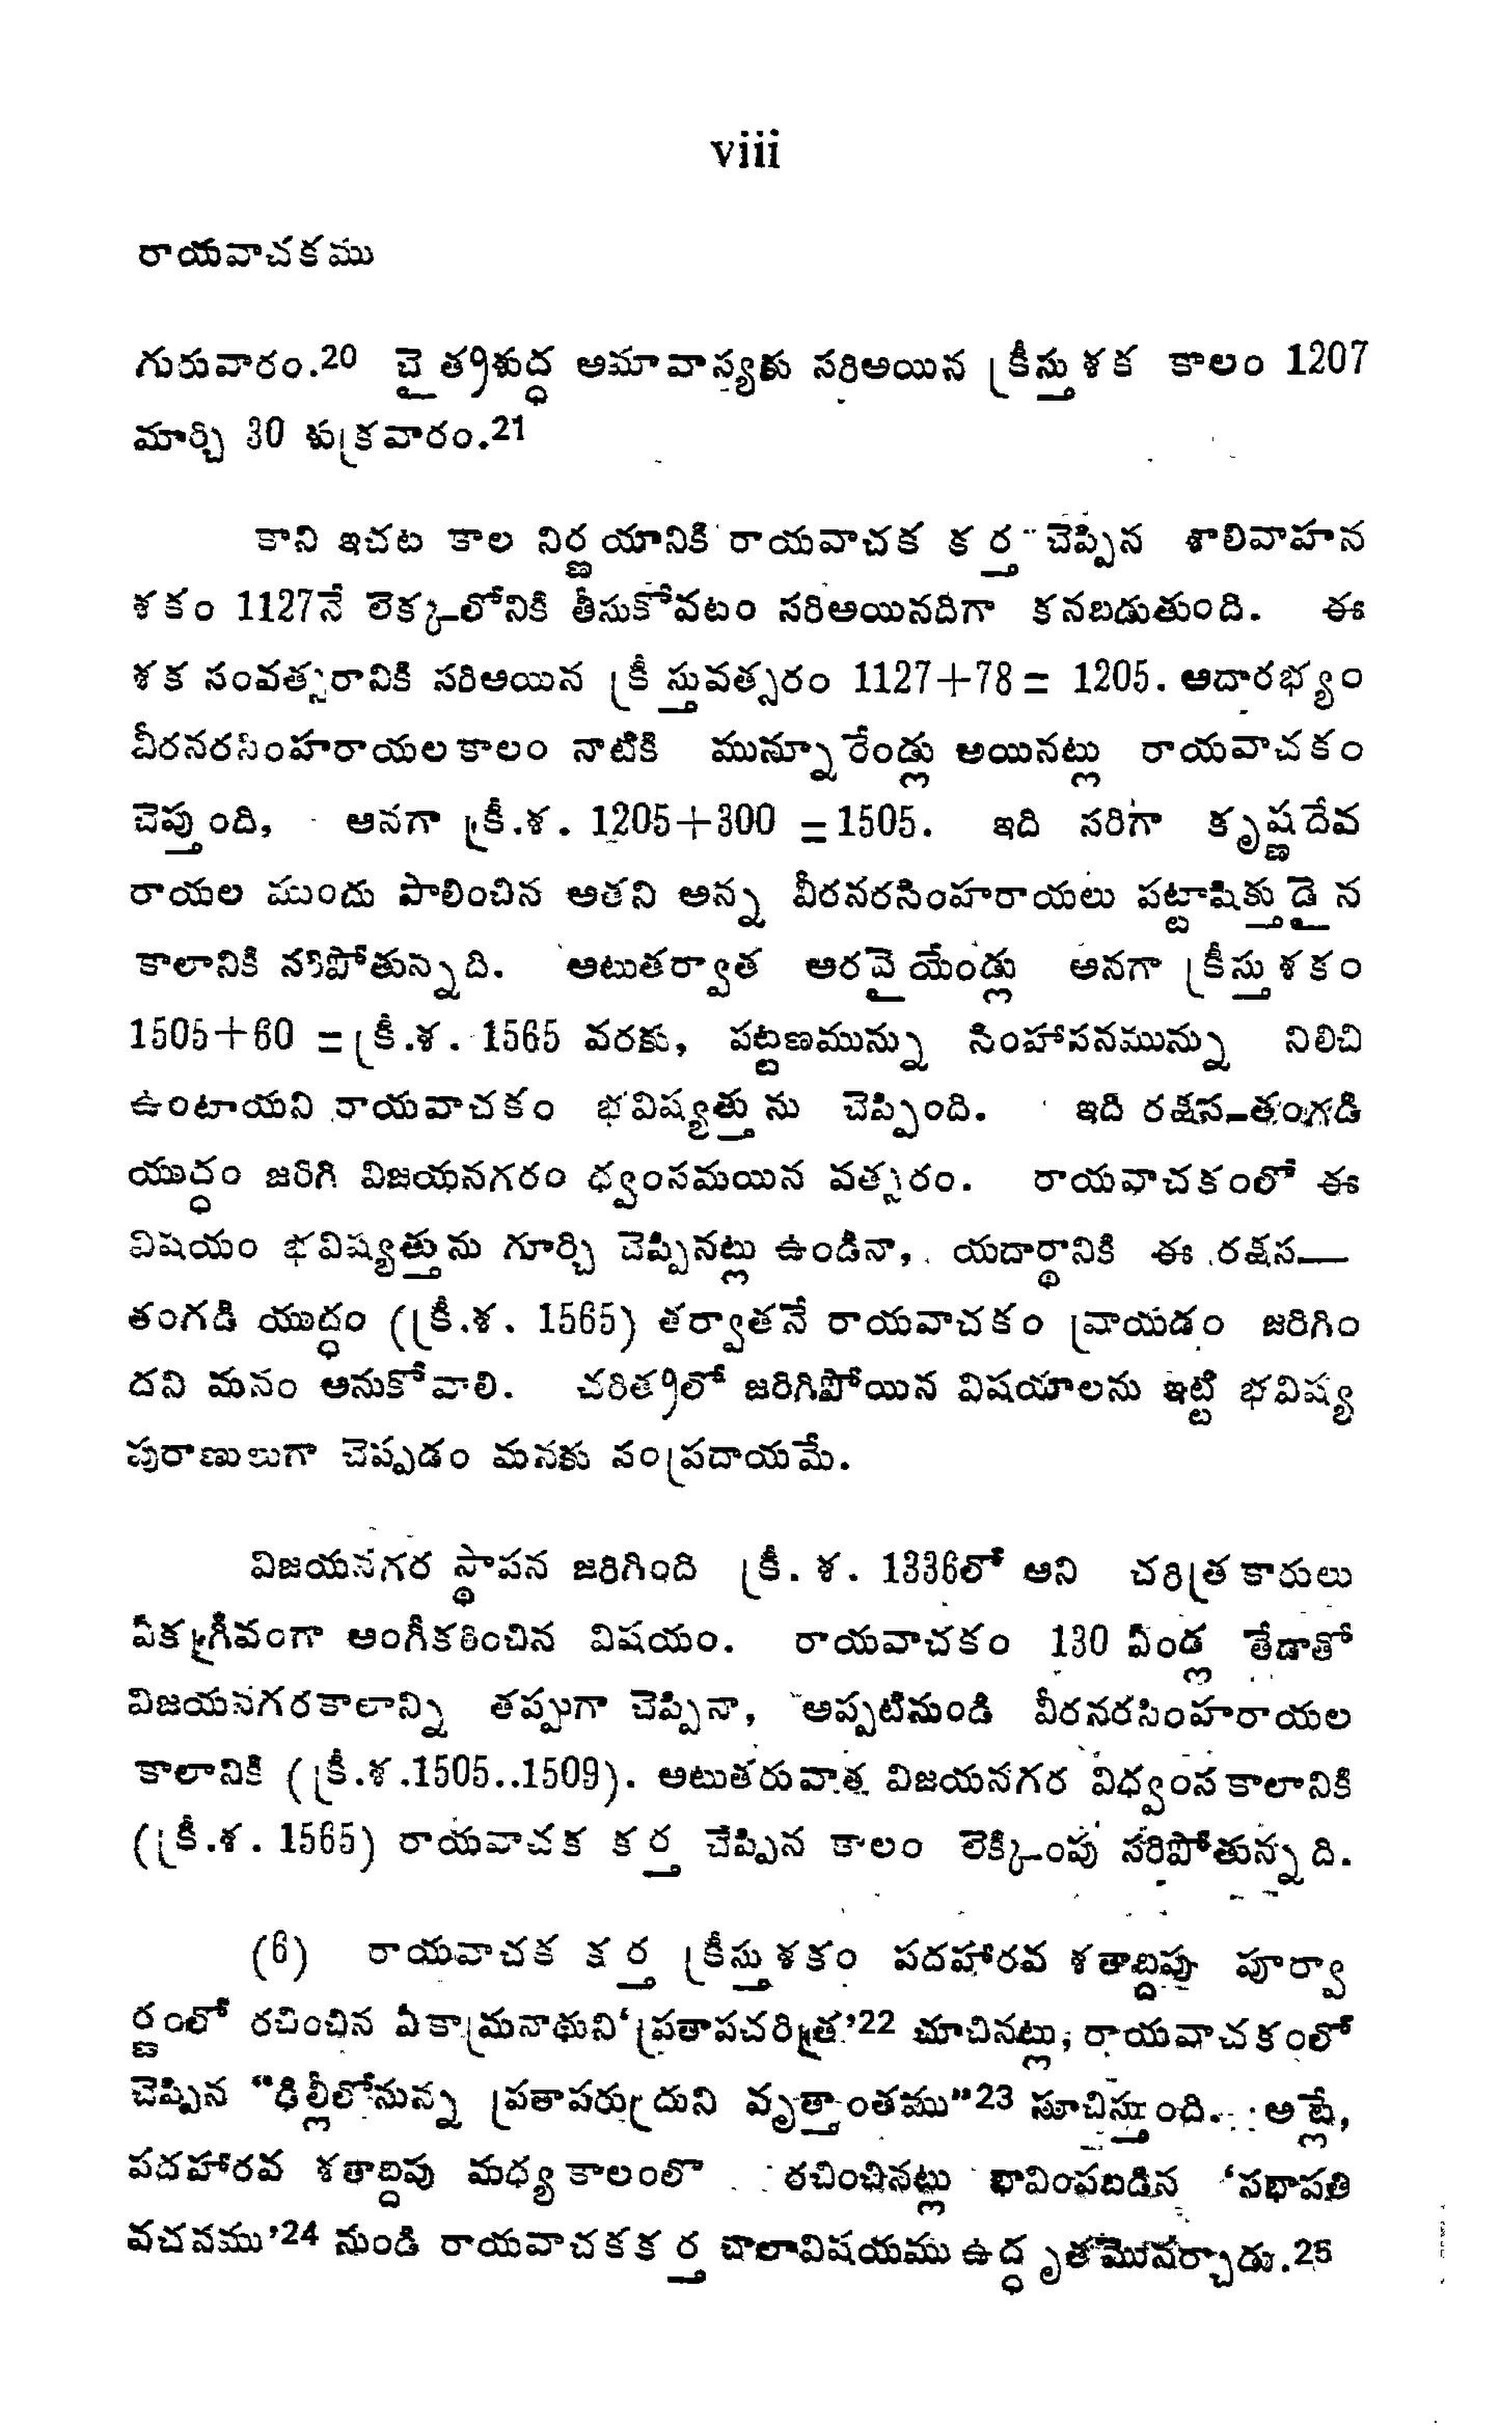గురువారం. చైత్రబహుళ అమావాస్యకు సరిఅయిన క్రీస్తుశకకాలం 1207 మార్చి 30 శుక్రవారం.

కాని ఇచట కాలనిర్ణయానికి రాయవాచకకర్త చెప్పిన శాలివాహనశకం 1127నే లెక్కలోనికి తీసుకోవటం సరిఅయినదిగా కనబడుతుంది.ఈ శకసంవత్సరానికి సరిఅయిన క్రీస్తువత్సరం 1127 + 78 =1205. అదారభ్యం వీరనరసింహరాయలకాలం నాటికి మున్నూరేండ్లు అయినట్లు రాయవాచకం చెప్తుంది, అనగా క్రీ.శ. 1205 + 300 =1505. ఇది సరిగా కృష్ణదేవరాయల ముందు పాలించిన అతని అన్న వీరనరసింహరాయలు పట్టాషిక్తుడైన కాలానికి సరిపోతున్నది. అటుతర్వాత అరవై యేండ్లు అనగా క్రీస్తుశకం 1505+ 60 = క్రీ.శ. 1565 వరకు, పట్టణమున్ను సింహాసనమున్ను నిలిచి ఉంటాయని రాయవాచకం భవిష్యత్తును చెప్పింది. ఇది రక్షస-తంగడి యుద్ధం జరిగి విజయనగరం ధ్వంసమయిన వత్సరం. రాయవాచకంలో ఈవిషయం భవిష్యత్తును గూర్చి చెప్పినట్లు ఉండినా, యథార్థానికి ఈరక్షస-తంగడి యుద్ధం (క్రీ.శ. 1565) తర్వాతనే రాయవాచకం వ్రాయడం జరిగిందని మనం అనుకోవాలి. చరిత్రలో జరిగిపోయిన విషయాలను ఇట్టి భవిష్య పురాణాలుగా చెప్పడం మనకు సంప్రదాయమే.

విజయనగరస్థాపన జరిగింది క్రీ.శ. 1336లో అని చరిత్రకారులు ఏకగ్రీవంగా అంగీకరించిన విషయం. రాయవాచకం 130 ఏండ్లతేడాతో విజయనగరకాలాన్ని తప్పుగా చెప్పినా, అప్పటినుండి వీరనరసింహరాయల కాలానికి (క్రీ.శ.1505-1509). అటుతరువాత విజయనగర విధ్వంసకాలానికి (క్రీ.శ. 1565) రాయవాచకకర్త చెప్పినకాలం లెక్కింపు సరిపోతున్నది.

(6) రాయవాచకకర్త క్రీస్తుశకం పదహారవశతాబ్దపు పూర్వార్థంలో రచించిన ఏకామ్రనాథుని 'ప్రతాపచరిత్ర' చూచినట్లు; రాయవాచకంలో చెప్పిన "ఢిల్లీలోనున్న ప్రతాపరుద్రుని వృత్తాంతము" సూచిస్తుంది. అట్లే, పదహారవశతాబ్దపు మధ్యకాలంలో రచించినట్లు భావింపబడిన 'సభాపతి వచనము’ నుండి రాయవాచకకర్త చాలావిషయము ఉద్ధృతమొనర్చాడు.